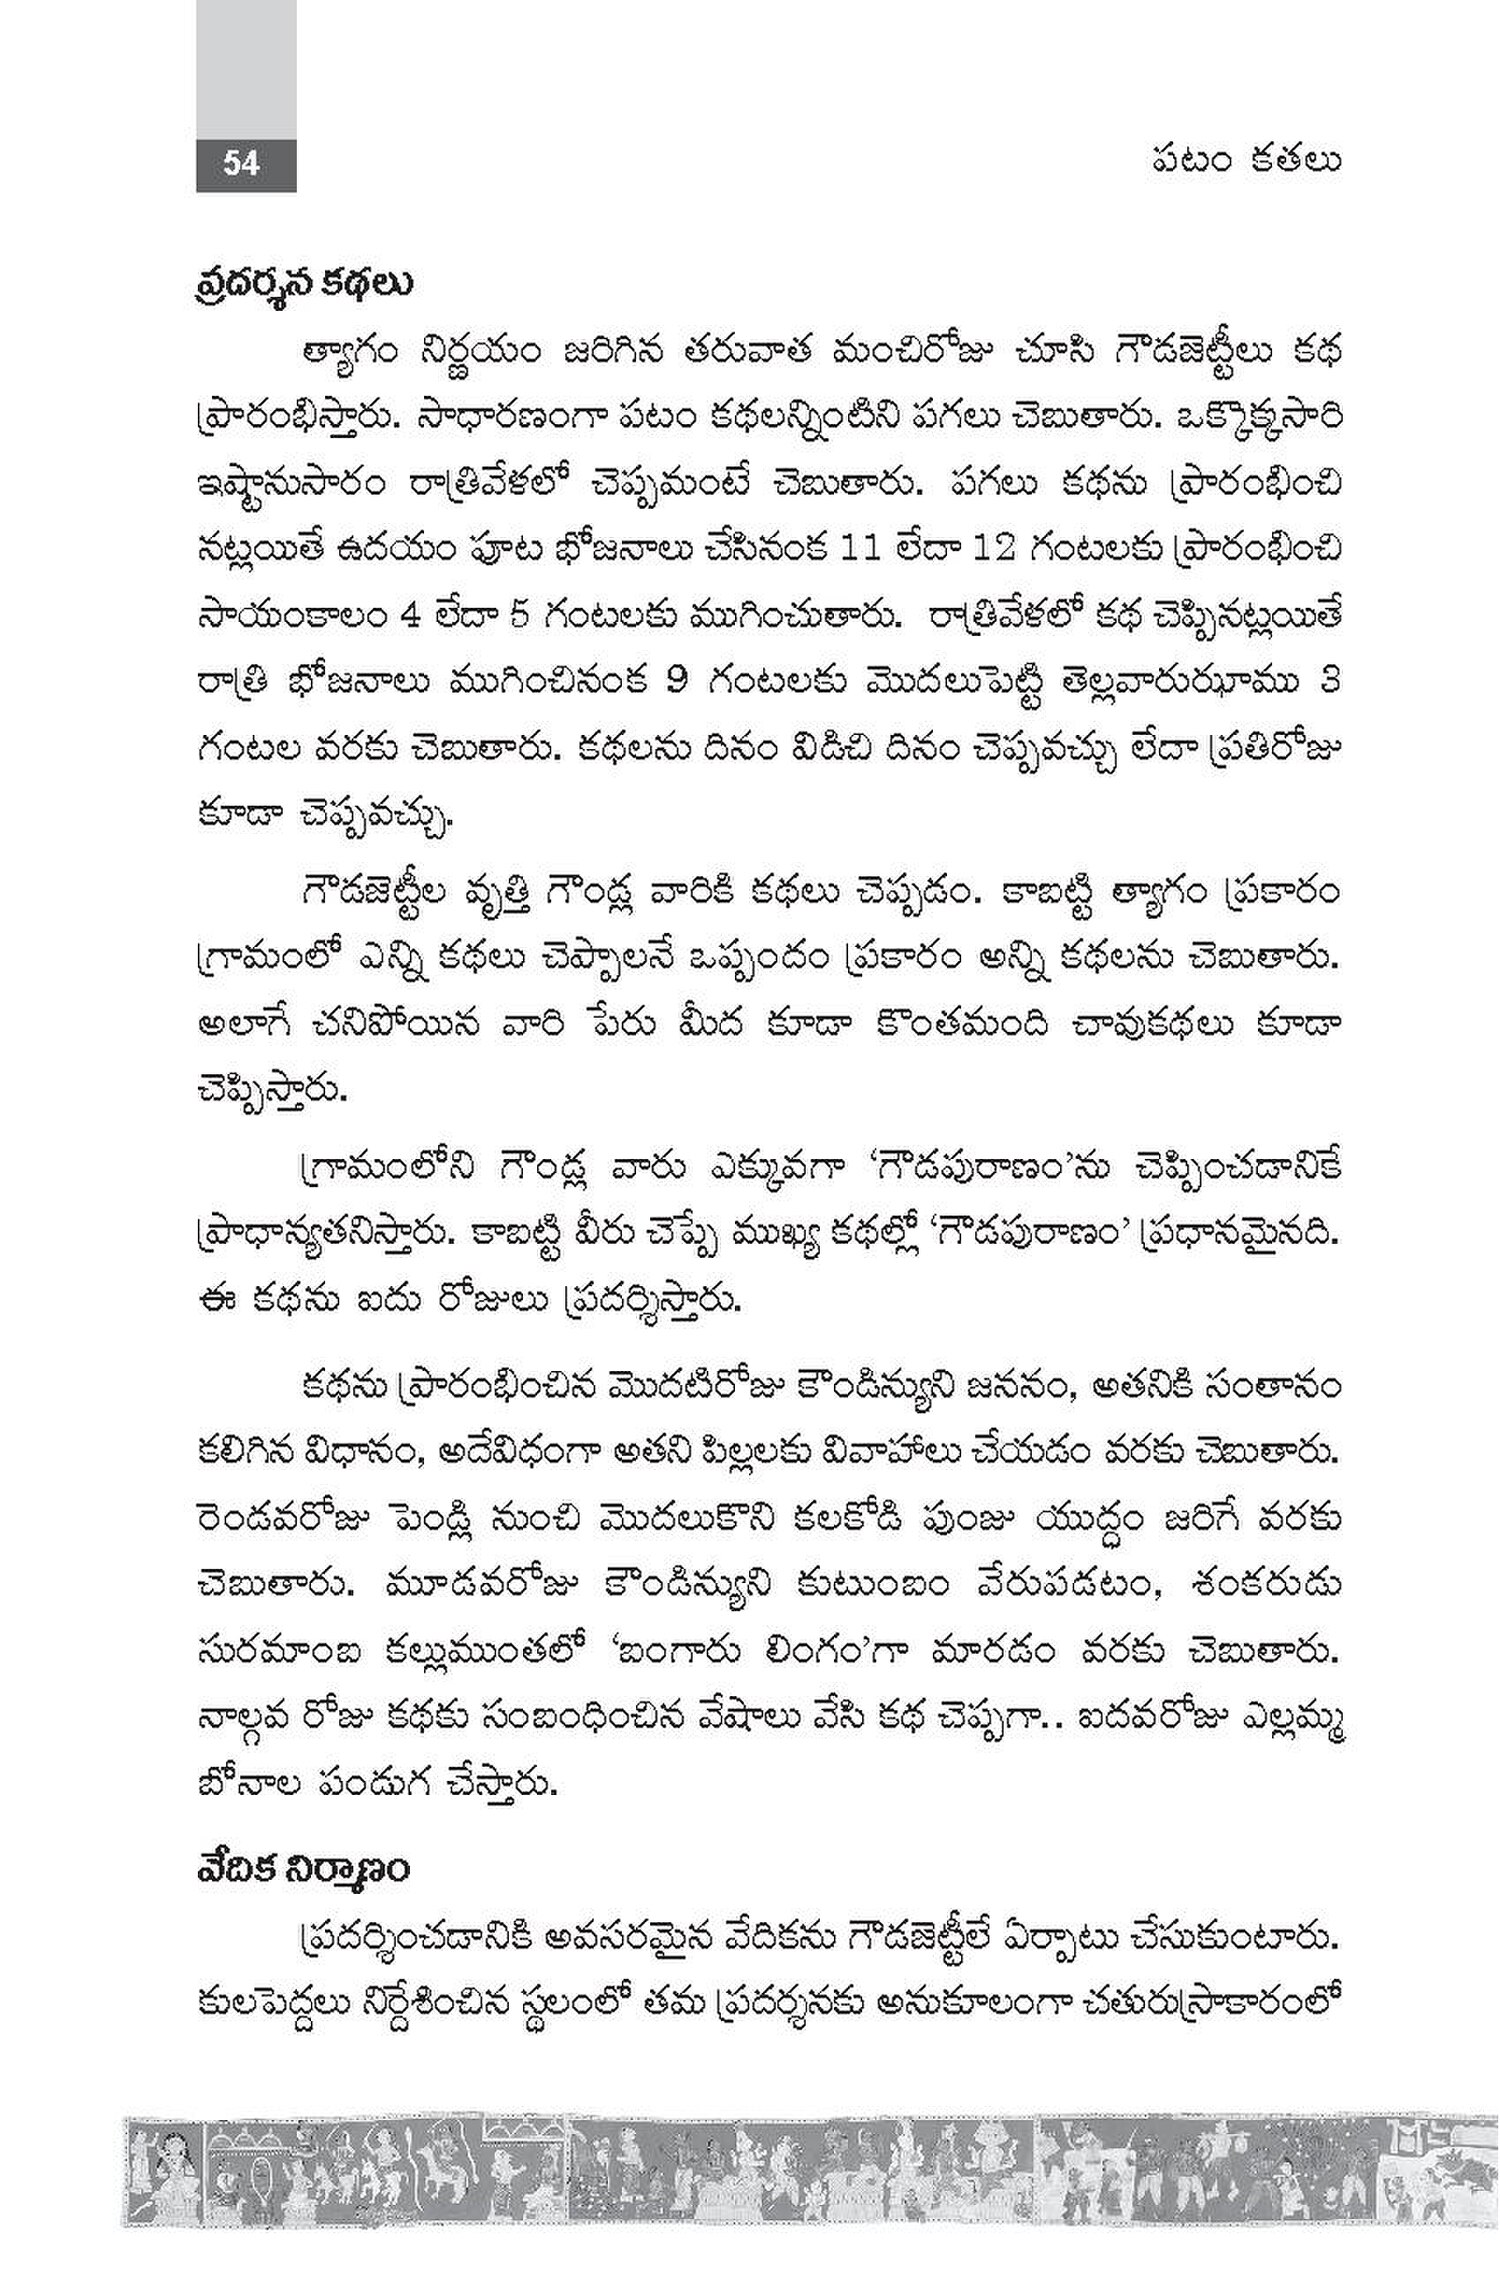ప్రదర్శన కథలు 

త్యాగం నిర్ణయం జరిగిన తరువాత మంచిరోజు చూసి గౌడజెట్టీలు కథ ప్రారంభిస్తారు. సాధారణంగా పటం కథలన్నింటిని పగలు చెబుతారు. ఒక్కొక్కసారి ఇష్టానుసారం రాత్రివేళలో చెప్పమంటే చెబుతారు. పగలు కథను ప్రారంభించినట్లయితే ఉదయం పూట భోజనాలు చేసినంక 11 లేదా 12 గంటలకు ప్రారంభించి సాయంకాలం 4 లేదా 5 గంటలకు ముగించుతారు. రాత్రివేళలో కథ చెప్పినట్లయితే రాత్రి భోజనాలు ముగించినంక 9 గంటలకు మొదలుపెట్టి తెల్లవారుఝాము 3 గంటల వరకు చెబుతారు. కథలను దినం విడిచి దినం చెప్పవచ్చు లేదా ప్రతిరోజు కూడా చెప్పవచ్చు.

గౌడజెట్టీల వృత్తి గౌండ్ల వారికి కథలు చెప్పడం. కాబట్టి త్యాగం ప్రకారం గ్రామంలో ఎన్ని కథలు చెప్పాలనే ఒప్పందం ప్రకారం అన్ని కథలను చెబుతారు. అలాగే చనిపోయిన వారి పేరు మీద కూడా కొంతమంది చావుకథలు కూడా
చెప్పిస్తారు.

గ్రామంలోని గౌండ్ల వారు ఎక్కువగా 'గౌడపురాణం'ను చెప్పించడానికే ప్రాధాన్యతనిస్తారు. కాబట్టి వీరు చెప్పే ముఖ్య కథల్లో 'గౌడపురాణం' ప్రధానమైనది. ఈ కథను ఐదు రోజులు ప్రదర్శిస్తారు.

కథను ప్రారంభించిన మొదటిరోజు కౌండిన్యుని జననం, అతనికి సంతానంకలిగిన విధానం, అదేవిధంగా అతని పిల్లలకు వివాహాలు చేయడం వరకు చెబుతారు. రెండవరోజు పెండ్లి నుంచి మొదలుకొని కలకోడి పుంజు యుద్ధం జరిగే వరకు
చెబుతారు. మూడవరోజు కౌండిన్యుని కుటుంబం వేరుపడటం, శంకరుడు సురమాంబ కల్లుముంతలో 'బంగారు లింగం'గా మారడం వరకు చెబుతారు. నాల్గవ రోజు కథకు సంబంధించిన వేషాలు వేసి కథ చెప్పగా.. ఐదవరోజు ఎల్లమ్మ
బోనాల పండుగ చేస్తారు.

వేదిక నిర్మాణం 

ప్రదర్శించడానికి అవసరమైన వేదికను గౌడజెట్టీలే ఏర్పాటు చేసుకుంటారు. కులపెద్దలు నిర్దేశించిన స్థలంలో తమ ప్రదర్శనకు అనుకూలంగా చతురుస్రాకారంలో